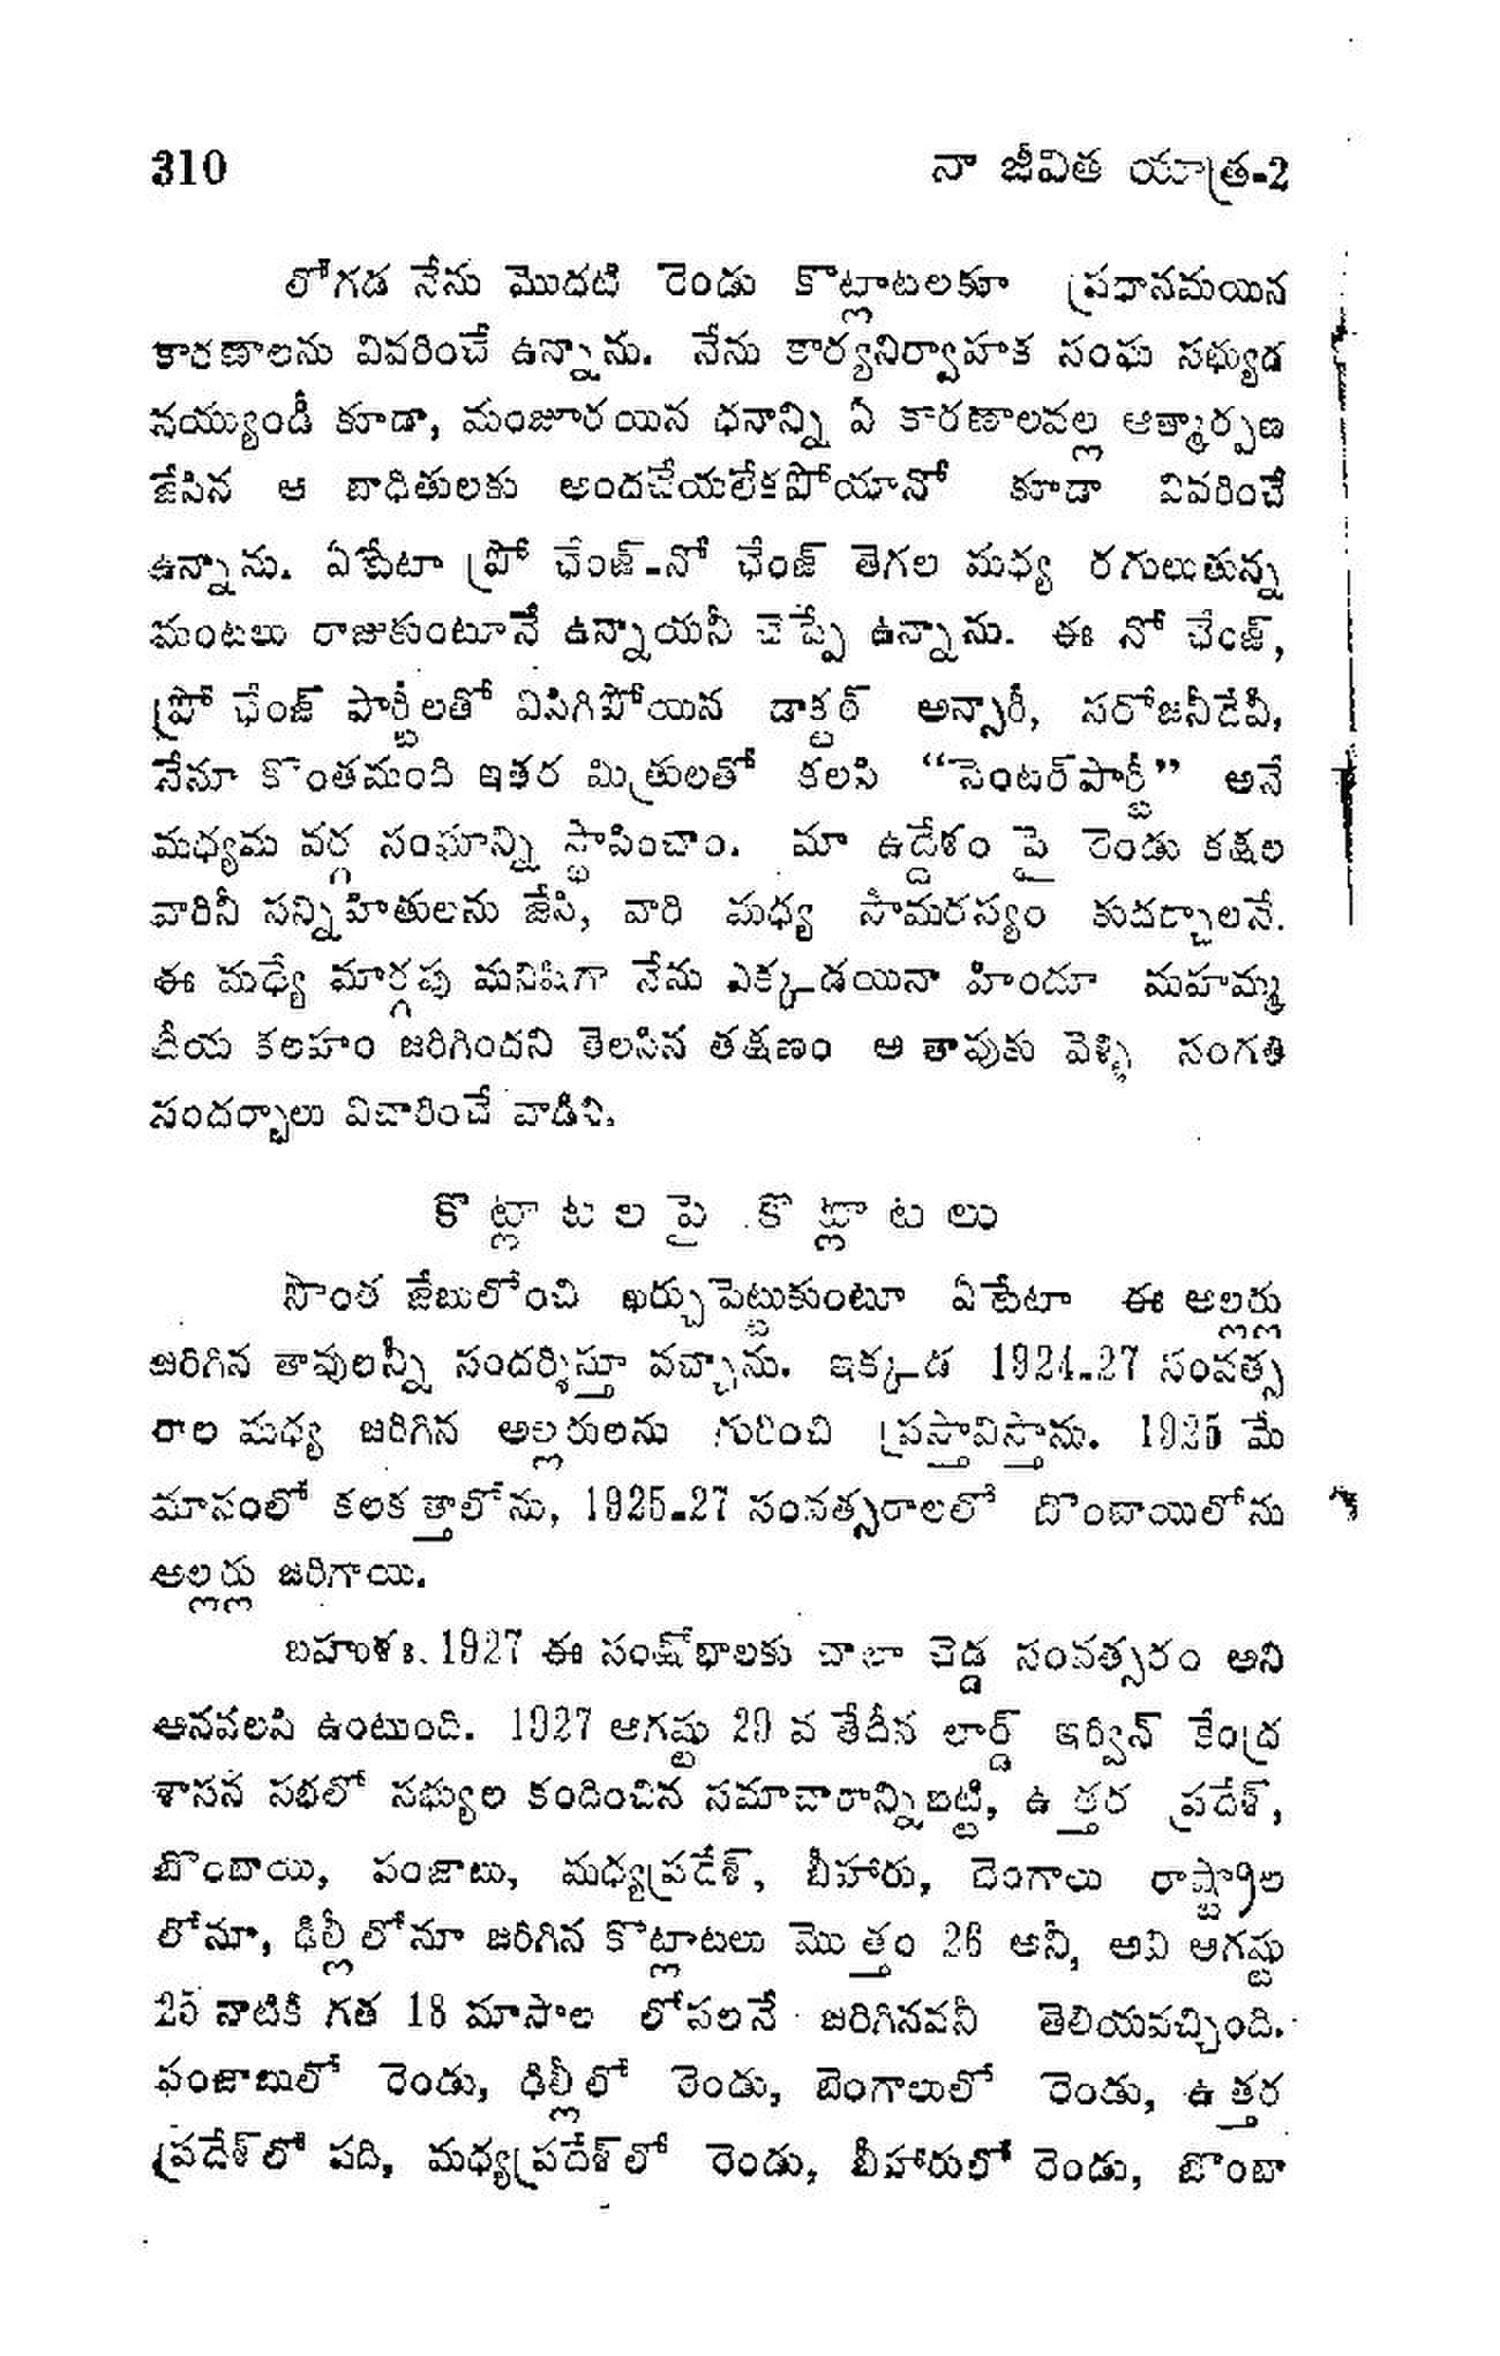లోగడ నేను మొదటి రెండు కొట్లాటలకూ ప్రధానమయిన కారణాలను వివరించే ఉన్నాను. నేను కార్యనిర్వాహక సంఘ సభ్యుడ నయ్యుండీ కూడా, మంజూరయిన ధానాన్ని ఏ కారణాలవల్ల ఆత్మార్పాణ జేసిన ఆ బాధితులకు అందచేయలేకపోయానో కూడా వివరించే ఉన్నాను. ఏటేటా ప్రో ఛేంజ్-నో ఛేంజ్ తెగల మధ్య రగులుతున్న మంటలు రాజుకుంటూనే ఉన్నాయనీ చెప్పే ఉన్నాను. ఈ నోఛేంజ్, ప్రో ఛేంజ్ పార్టీలతో విసిగిపోయిన డాక్టర్ అన్సారీ, సరోజనీదేవీ, నేనూ కొంతమంది ఇతర మిత్రులతో కలసి "సెంటర్‌పార్టీ" అనే మధ్యమ వర్గ సంఘాన్ని స్థాపించాం. మా ఉద్దేశం పై రెండు కక్షల వారినీ సన్నిహితులను జేసి, వారి మధ్య సామరస్యం కుదర్చాలనే. ఈ మధ్యే మార్గపు మనిషిగా నేను ఎక్కడయినా హిందూ మహమ్మదీయ కలహం జరిగిందని తెలసిన తక్షణం ఆ తావుకు వెళ్ళి సంగతి సందర్భాలు విచారించే వాడిని.

సొంత జేబులోంచి ఖర్చుపెట్టుకుంటూ ఏటేటా ఈ అల్లర్లు జరిగిన తావులన్నీ సందర్శిస్తూ వచ్చాను. ఇక్కడ 1924-27 సంవత్సరాల మధ్య జరిగిన అల్లర్లులను గురించి ప్రస్తావిస్తాను. 1925 మే మాసంలో కలకత్తాలోను, 1925-27 సంవత్సరాలలో బొంబాయిలోను అల్లర్లు జరిగాయి.

బహుశ: 1927 ఈ సంక్షోభాలకు చాలా చెడ్డ సంవత్సరం అని అనవలసి ఉంటుంది. 1927 ఆగష్టు 29 వ తేదీన లార్డ్ ఇర్విన్ కేంద్ర శాసన సభలో సభ్యుల కందించిన సమాచారాన్నిబట్టి, ఉత్తర ప్రదేశ్, బొంబాయి, పంజాబు, మధ్యప్రదేశ్, బీహారు, బెంగాలు రాష్ట్రాలలోనూ, డిల్లీలోనూ జరిగిన కొట్లాటలు మొత్తం 26 అనీ, అవి ఆగష్టు 25 నాటికి గత 18 మాసాల లోపలనే జరిగినవనీ తెలియవచ్చింది. పంజాబులో రెండు, ఢిల్లీలో రెండు, బెంగాలులో రెండు, ఉత్తర ప్రదేశ్‌లో పది, మధ్యప్రదేశ్ లో రెండు, బీహారులో రెండు, బొంబా